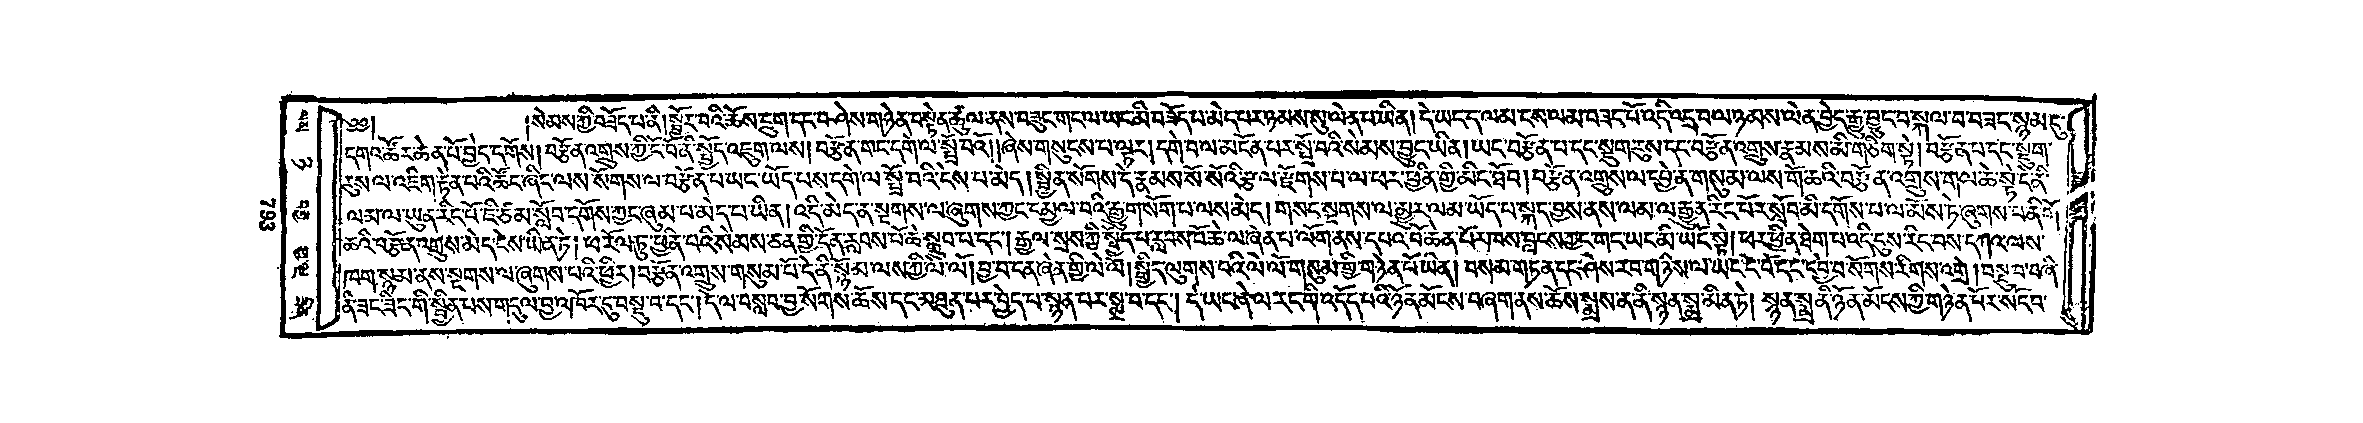༄༅། །སེམས་ཀྱི་བཟོད་པ་ནི། སྦྱོར་བའི་ཆོས་དྲུག་དང་བཤེས་གཉེན་བསྟེན་ཚུལ་ནས་བཟུང་གང་ལ་ཡང་མི་བཟོད་པ་མེད་པར་ཉམས་སུ་ལེན་པ་ཡིན། དེ་ཡང་ད་ལམ་ངས་ལམ་བཟང་པོ་འདི་འདྲ་བ་ལ་ཉམས་ལེན་བྱེད་རྒྱུ་བྱུང་བསྐལ་བ་བཟང་སྙམ་དུ་
དགའ་ཚོར་ཆེན་པོ་བྱེད་དགོས། བརྩོན་འགྲུས་ཀྱི་ངོ་བོ་ནི་སྤྱོད་འཇུག་ལས། བརྩོན་གང་དགེ་ལ་སྤྲོ་བའོ། །ཞེས་གསུངས་པ་ལྟར། དགེ་བ་ལ་མངོན་པར་སྤྲོ་བའི་སེམས་བྱུང་ཡིན། ཡང་བརྩོན་པ་དང་སྡུག་རུས་དང་བརྩོན་འགྲུས་རྣམས་མི་གཅིག་སྟེ། བརྩོན་པ་དང་སྡུག་
རུས་ལ་འཇིག་རྟེན་པའི་ཚོང་ཞིང་ལས་སོགས་ལ་བརྩོན་པ་ཡང་ཡོད་པས་དགེ་ལ་སྤྲོ་བའི་ངེས་པ་མེད། སྦྱིན་སོགས་དེ་རྣམས་སོ་སོའི་རྩལ་རྫོགས་པ་ལ་ཕར་ཕྱིན་གྱི་མིང་ཐོབ། བརྩོན་འགྲུས་ལ་དབྱེ་ན་གསུམ་ལས་གོ་ཆའི་བརྩོན་འགྲུས་གལ་ཆེ་སྟེ་དེ་ནི་
ལམ་ལ་ཡུན་རིང་པོ་ཇི་ཙམ་སློབ་དགོས་ཀྱང་ཞུམ་པ་མེད་པ་ཡིན། འདི་མེད་ན་སྔགས་ལ་ཞུགས་ཀྱང་དམྱལ་བའི་རྒྱུ་གསོག་པ་ལས་མེད། གསང་སྔགས་ལ་མྱུར་ལམ་ཡོད་པ་སྐད་བྱས་ནས་ལམ་ལ་རྒྱུན་རིང་པོར་སློབ་མི་དགོས་པ་ལ་མོས་ཏེ་ཞུགས་པ་ནི་གོ་
ཆའི་བརྩོན་འགྲུས་མེད་ངེས་ཡིན་ཏེ། ཕ་རོལ་ཏུ་ཕྱིན་པའི་སེམས་ཅན་གྱི་དོན་རླབས་པོ་ཆེ་སྒྲུབ་པ་དང་། རྒྱལ་སྲས་ཀྱི་སྤྱོད་པ་རླབས་པོ་ཆེ་ལ་ཞེན་པ་ལོག་ནས་དཔའ་བོ་ཆེན་པོར་ཁས་བླངས་ཀྱང་གང་ཡང་མི་ཡོང་སྟེ། ཕར་ཕྱིན་ཐེག་པ་འདི་དུས་རིང་བས་དཀའ་ལས་
ཁག་སྙམ་ནས་སྔགས་ལ་ཞུགས་པའི་ཕྱིར། བརྩོན་འགྲུས་གསུམ་པོ་དེ་ནི་སྙོམ་ལས་ཀྱི་ལེ་ལོ། བྱ་བ་ངན་ཞེན་གྱི་ལེ་ལོ། སྒྱིད་ལུགས་པའི་ལེ་ལོ་གསུམ་གྱི་གཉེན་པོ་ཡིན། བསམ་གཏན་དང་ཤེས་རབ་གཉིས་ལ་ཡང་ངོ་བོ་དང་དབྱེ་བ་སོགས་རིགས་འགྲེ་།བསྡུ་བ་བཞི་
ནི་ཟང་ཟིང་གི་སྦྱིན་པས་གདུལ་བྱ་འཁོར་དུ་བསྡུ་བ་དང་། དེ་ལ་བསླབ་བྱ་སོགས་ཆོས་དང་མཐུན་པར་བྱེད་པ་སྙན་པར་སྨྲ་བ་དང་། དེ་ཡང་ཞེ་ལ་རང་གི་འདོད་པའི་ཉོན་མོངས་བཞག་ནས་ཆོས་སྨྲས་ན་ནི་སྙན་སྨྲ་མིན་ཏེ། སྙན་སྨྲ་ནི་ཉོན་མོངས་ཀྱི་གཉེན་པོར་སོང་བ་